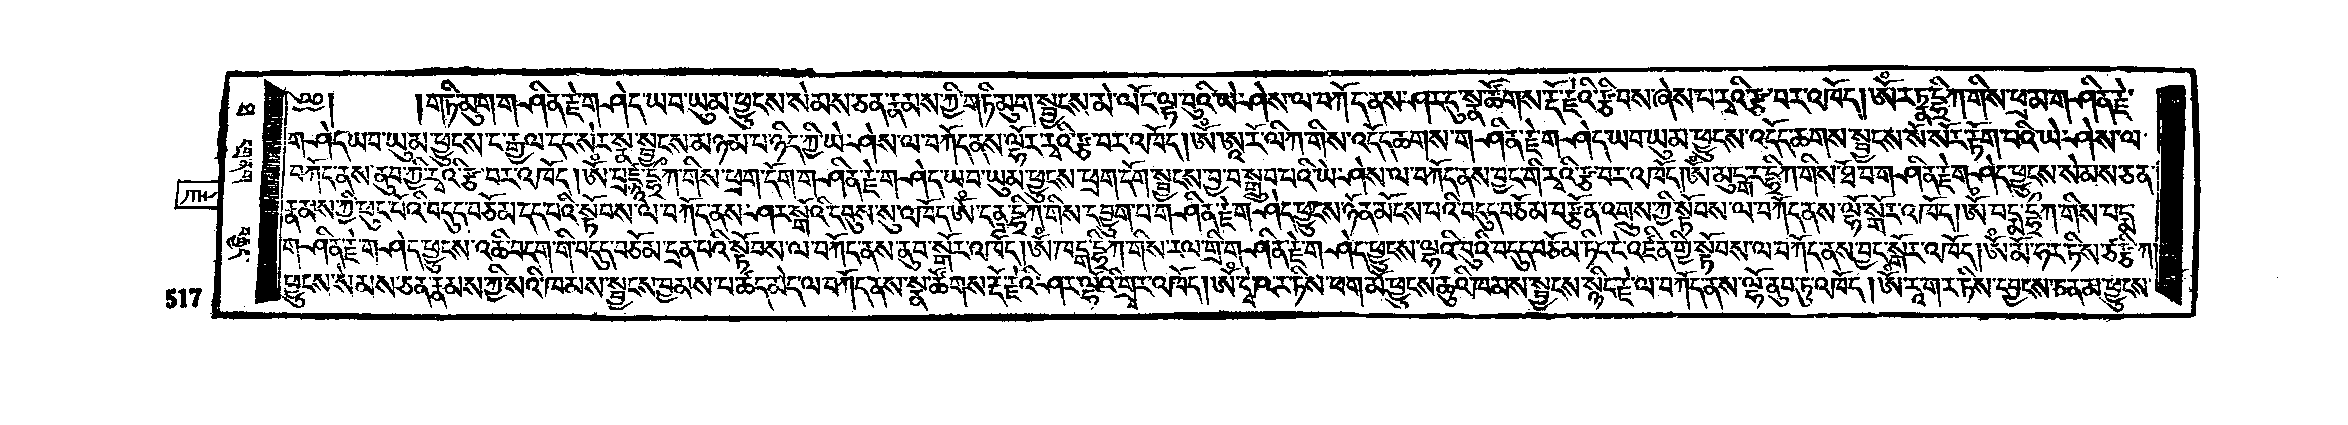༄༅། །གཏི་མུག་གཤིན་རྗེ་གཤེད་ཡབ་ཡུམ་ཕྱུངས་སེམས་ཅན་རྣམས་ཀྱི་གཏི་མུག་སྦྱངས་མེ་ལོང་ལྟ་བུའི་ཡེ་ཤེས་ལ་བཀོད་ནས་ཤར་དུ་སྣ་ཚོགས་རྡོ་རྗེའི་རྩིབས་ཞེས་པ་རྭའི་རྩ་བར་འཁོད། ཨོཾ་རཏྣ་དྷྲི་ཀ་གིས་ཕྲ་མ་གཤིན་རྗེ་
གཤེད་ཡབ་ཡུམ་ཕྱུངས་ང་རྒྱལ་དང་སེར་སྣ་སྦྱངས་མཉམ་པ་ཉིད་ཀྱི་ཡེ་ཤེས་ལ་བཀོད་ནས་ལྷོར་རྭའི་རྩ་བར་འཁོད། ཨོཾ་ཨཱ་རོ་ལིཀ་གིས་འདོད་ཆགས་གཤིན་རྗེ་གཤེད་ཡབ་ཡུམ་ཕྱུངས་འདོད་ཆགས་སྦྱངས་སོ་སོར་རྟོག་པའི་ཡེ་ཤེས་ལ་
བཀོད་ནས་ནུབ་ཀྱི་རྭའི་རྩ་བར་འཁོད། ཨོཾ་པྲཛྙཱ་དྷྲིཀ་གིས་ཕྲག་དོག་གཤིན་རྗེ་གཤེད་ཡབ་ཡུམ་ཕྱུངས་ཕྲག་དོག་སྦྱངས་བྱ་བ་སྒྲུབ་པའི་ཡེ་ཤེས་ལ་བཀོད་ནས་བྱང་གི་རྭའི་རྩ་བར་འཁོད། ཨོཾ་མུདག་ར་དྷྲིག་གིས་ཐོ་བ་གཤིན་རྗེ་གཤེད་ཕྱུངས་སེམས་ཅན་
རྣམས་ཀྱི་ཕུང་པོའི་བདུད་བཅོམ་དད་པའི་སྟོབས་ལ་བཀོད་ནས་ཤར་སྒོའི་དབུས་སུ་འཁོད་ཨོཾ་དཎྚ་དྷྲིག་གིས་དབྱུག་པ་གཤིན་རྗེ་གཤེད་ཕྱུངས་ཉོན་མོངས་པའི་བདུད་བཅོམ་བརྩོན་འགྲུས་ཀྱི་སྟོབས་ལ་བཀོད་ནས་ལྷོ་སྒོར་འཁོད། ཨོཾ་པདམ་དྷྲྀག་གིས་པདམ་
གཤིན་རྗེ་གཤེད་ཕྱུངས་འཆི་བདག་གི་བདུད་བཅོམ་དྲན་པའི་སྟོབས་ལ་བཀོད་ནས་ནུབ་སྒོར་འཁོད། ཨོཾ་ཁངྒ་དྷྲིཀ་གིས་རལ་གྲི་གཤིན་རྗེ་གཤེད་ཕྱུངས་ལྷའི་བུའི་བདུད་བཅོམ་ཏིང་ངེ་འཛིན་གྱི་སྟོབས་ལ་བཀོད་ནས་བྱང་སྒོར་འཁོད། ཨོཾ་མོ་ཧ་ར་ཏི་ས་ཙ་རྩི་ཀ་
ཕྱུངས་སེམས་ཅན་རྣམས་ཀྱི་སའི་ཁམས་སྦྱངས་བྱམས་པ་ཚད་མེད་ལ་བཀོད་ནས་སྣ་ཚོགས་རྡོ་རྗེའི་ཤར་ལྷོའི་གྲྭར་འཁོད། ཨོཾ་དྭེ་ཥ་ར་ཏིས་ཕག་མོ་ཕྱུངས་ཆུའི་ཁམས་སྦྱངས་སྙིང་རྗེ་ལ་བཀོད་ནས་ལྷོ་ནུབ་ཏུ་འཁོད། ཨོཾ་རཱ་ག་ར་ཏིས་དབྱངས་ཅན་མ་ཕྱུངས་